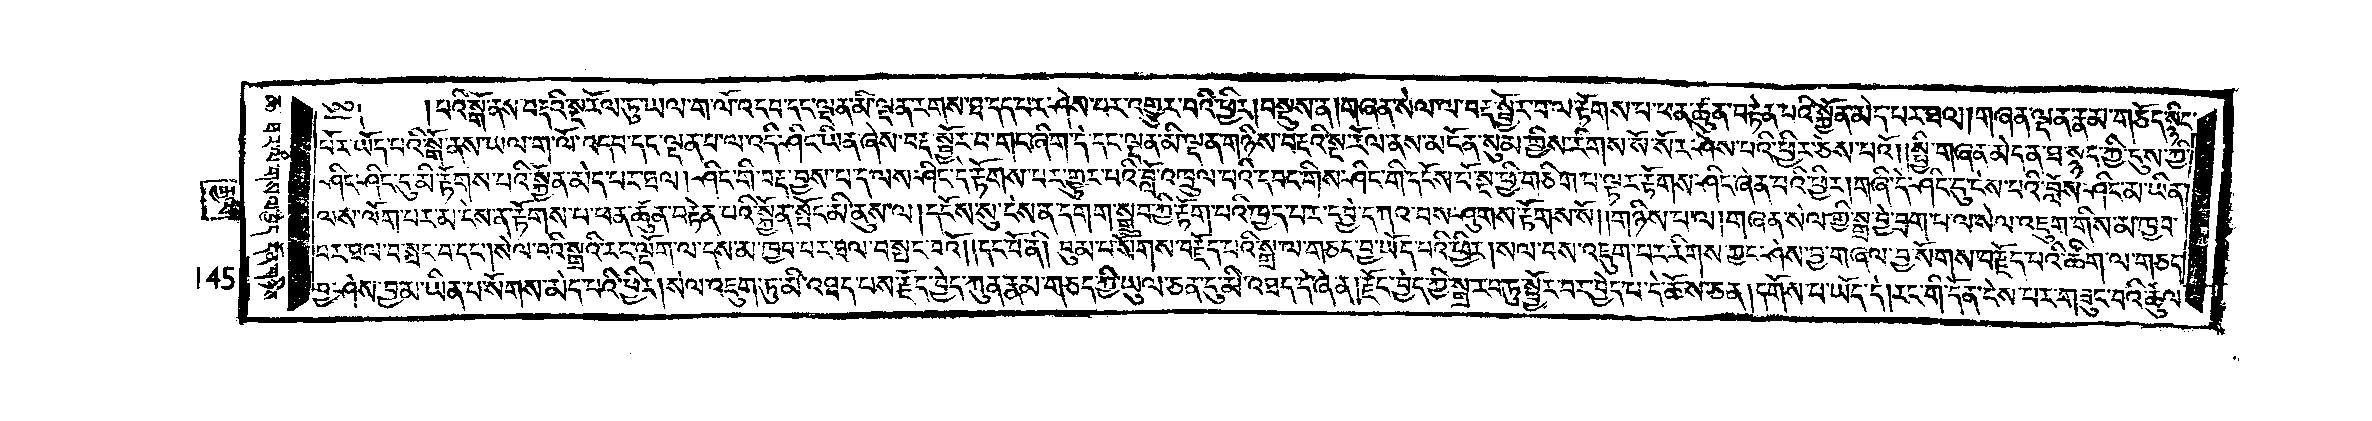༄༅། །པའི་སྒོ་ནས་བརྡའི་སྔ་རོལ་ཏུ་ཡལ་ག་ལོ་འདབ་དང་ལྡན་མི་ལྡན་རིགས་ཐ་དད་པར་ཤེས་པར་འགྱུར་བའི་ཕྱིར། བསྡུས་ན། གཞན་སེལ་ལ་བརྡ་སྦྱོར་བ་ལ་རྟོགས་པ་ཕན་ཚུན་བརྟེན་པའི་སྐྱོན་མེད་པར་ཐལ། གཞན་ལྡན་རྣམ་གཅོད་སྙིང་
པོར་ཡོད་པའི་སྒོ་ནས་ཡལ་ག་ལོ་འདབ་དང་ལྡན་པ་ལ་འདི་ཤིང་ཡིན་ཞེས་བརྡ་སྦྱོར་བ་གང་ཞིག་དེ་དང་ལྡན་མི་ལྡན་གཉིས་བརྡའི་སྔ་རོལ་ནས་མངོན་སུམ་གྱིས་རིགས་སོ་སོར་ཤེས་པའི་ཕྱིར་ཅེས་པའོ། །སྤྱི་གཞན་མེད་ན་ཐ་སྙད་ཀྱི་དུས་ཀྱི་
ཤིང་ཤིང་དུ་མི་རྟོགས་པའི་སྐྱོན་མེད་པར་ཐལ། ཤིང་གི་བརྡ་བྱས་པ་དེ་ལས་ཤིང་དེ་རྟོགས་པར་གྱུར་པའི་བློ་འཁྲུལ་པའི་དབང་གིས་ཤིང་གི་དངོས་པོ་སྔ་ཕྱི་གཅིག་པ་ལྟར་རྟོགས་ཤིང་ཞེན་པའི་ཕྱིར། གཞི་དེ་ཤིང་དུ་ངེས་པའི་བློས་ཤིང་མ་ཡིན་
ལས་ལོག་པར་མ་ངེས་ན་རྟོགས་པ་ཕན་ཚུན་བརྟེན་པའི་སྐྱོན་སྤོང་མི་ནུས་ལ། དངོས་སུ་ངེས་ན་དགག་སྒྲུབ་ཀྱི་རྟོག་པའི་ཁྱད་པར་དབྱེ་དཀའ་བས་ཤུགས་རྟོགས་སོ། །གཉིས་པ་ལ། གཞན་སེལ་གྱི་སྒྲ་བྱེ་བྲག་པ་ལ་སེལ་འཇུག་གིས་མ་ཁྱབ་
པར་ཐལ་བ་སྤང་བ་དང་། སེལ་བའི་སྒྲའི་རང་ལྡོག་ལ་དས་མ་ཁྱབ་པར་ཐལ་བ་སྤང་བའོ། །དང་པོ་ནི། བུམ་པ་སོགས་བརྗོད་པའི་སྒྲ་ལ་གཅོད་བྱ་ཡོད་པའི་ཕྱིར། སེལ་བས་འཇུག་པར་རིགས་ཀྱང་ཤེས་བྱ་གཞལ་བྱ་སོགས་བརྗོད་པའི་ཚིག་ལ་གཅད་
བྱ་ཤེས་བྱ་མ་ཡིན་པ་སོགས་མེད་པའི་ཕྱིར། སེལ་འཇུག་ཏུ་མི་འཐད་པས་རྗོད་བྱེད་ཀུན་རྣམ་གཅད་ཀྱི་ཡུལ་ཅན་དུ་མི་འཐད་དེ་ཞེ་ན། རྗོད་བྱེད་ཀྱི་སྒྲ་རབ་ཏུ་སྦྱོར་བར་བྱེད་པ་དེ་ཆོས་ཅན། དགོས་པ་ཡོད་དེ། རང་གི་དོན་ངེས་པར་གཟུང་བའི་ཚུལ་